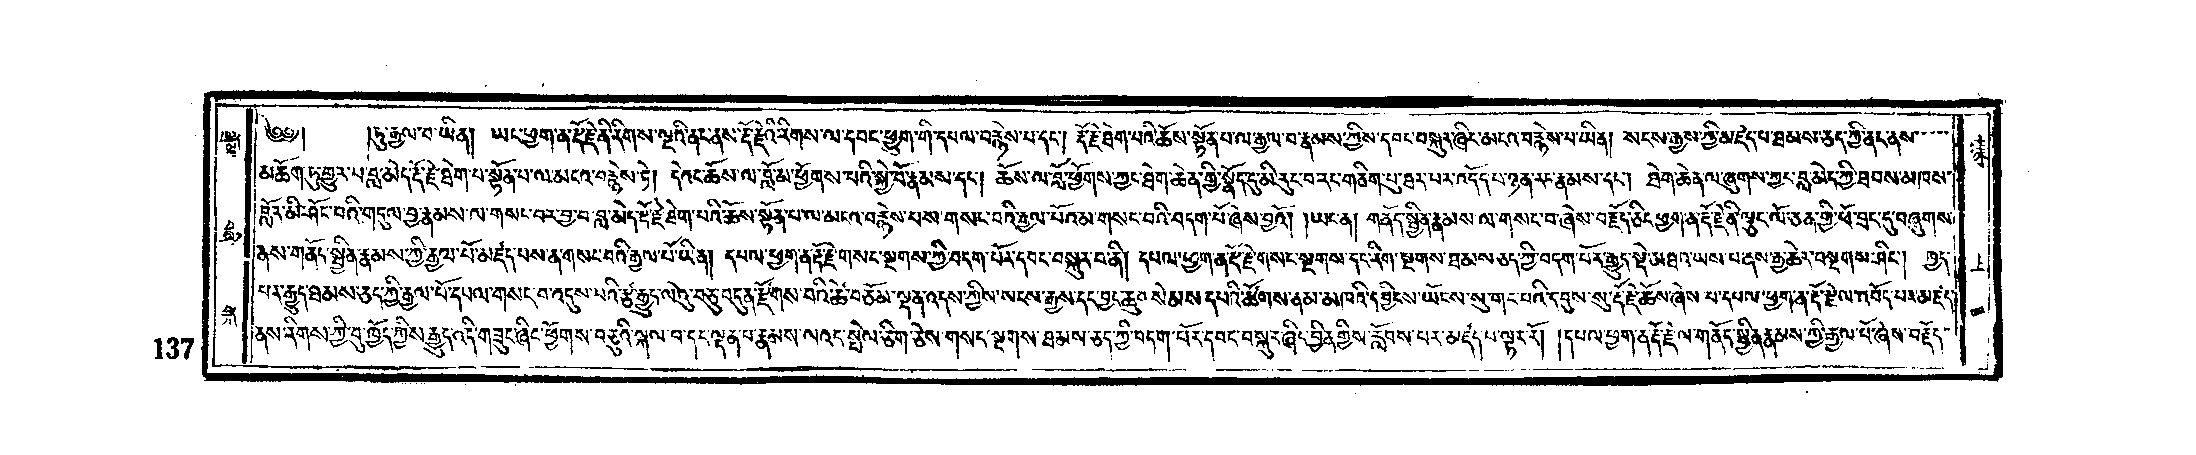༄༅། །ཏུ་རྒྱལ་བ་ཡིན། ཡང་ཕྱག་ན་རྡོ་རྗེ་ནི་རིགས་ལྔའི་ནང་ནས་རྡོ་རྗེའི་རིགས་ལ་དབང་ཕྱུག་གི་དཔལ་བརྙེས་པ་དང་། རྡོ་རྗེ་ཐེག་པའི་ཆོས་སྟོན་པ་ལ་རྒྱལ་བ་རྣམས་ཀྱིས་དབང་བསྐུར་ཞིང་མངའ་བརྙེས་པ་ཡིན། སངས་རྒྱས་ཀྱི་མཛད་པ་ཐམས་ཅད་ཀྱི་ནང་ནས་
མཆོག་ཏུ་གྱུར་པ་བླ་མེད་རྡོ་རྗེ་ཐེག་པ་སྟོན་པ་ལ་མངའ་བརྙེས་ཏེ། དེའང་ཆོས་ལ་བློ་མ་ཕྱོགས་པའི་སྐྱེ་བོ་རྣམས་དང་། ཆོས་ལ་བློ་ཕྱོགས་ཀྱང་ཐེག་ཆེན་གྱི་སྣོད་དུ་མི་རུང་བ་རང་གཅིག་པུ་ཐར་པར་འདོད་པ་ཉན་རང་རྣམས་དང་། ཐེག་ཆེན་ལ་ཞུགས་ཀྱང་བླ་མེད་ཀྱི་ཐབས་མཁས་
བློར་མི་ཤོང་བའི་གདུལ་བྱ་རྣམས་ལ་གསང་བར་བྱ་བ་བླ་མེད་རྡོ་རྗེ་ཐེག་པའི་ཆོས་སྟོན་པ་ལ་མངའ་བརྙེས་པས་གསང་བའི་རྒྱལ་པོའམ་གསང་བའི་བདག་པོ་ཞེས་བྱའོ། །ཡང་ན། གནོད་སྦྱིན་རྣམས་ལ་གསང་བ་ཞེས་བརྗོད་ཅིང་ཕྱག་ན་རྡོ་རྗེ་ནི་ལྕང་ལོ་ཅན་གྱི་ཕོ་བྲང་དུ་བཞུགས་
ནས་གནོད་སྦྱིན་རྣམས་ཀྱི་རྒྱལ་པོ་མཛད་པས་ན་གསང་བའི་རྒྱལ་པོ་ཡིན། དཔལ་ཕྱག་ན་རྡོ་རྗེ་གསང་སྔགས་ཀྱི་བདག་པོར་དབང་བསྐུར་བ་ནི། དཔལ་ཕྱག་ན་རྡོ་རྗེ་གསང་སྔགས་དང་རིག་སྔགས་ཐམས་ཅད་ཀྱི་བདག་པོར་རྒྱུད་སྡེ་མཐའ་ཡས་པ་ནས་རྒྱ་ཆེར་བསྔགས་ཤིང་། ཁྱད་
པར་རྒྱུད་ཐམས་ཅད་ཀྱི་རྒྱལ་པོ་དཔལ་གསང་བ་འདུས་པའི་རྩ་རྒྱུད་ལེའུ་བཅུ་བདུན་རྫོགས་པའི་ཚེ་བཅོམ་ལྡན་འདས་ཀྱིས་སངས་རྒྱས་དང་བྱང་ཆུབ་སེམས་དཔའི་ཚོགས་ནམ་མཁའི་དབྱིངས་ཡོངས་སུ་གང་བའི་དབུས་སུ་རྡོ་རྗེ་ཆོས་ཞེས་པ་དཔལ་ཕྱག་ན་རྡོ་རྗེ་ལ་འབོད་པར་མཛད་
ནས་རིགས་ཀྱི་བུ་ཁྱོད་ཀྱིས་རྒྱུད་འདི་གཟུང་ཞིང་ཕྱོགས་བཅུའི་སྐལ་བ་དང་ལྡན་པ་རྣམས་ལའང་སྤེལ་ཅིག་ཅེས་གསང་སྔགས་ཐམས་ཅད་ཀྱི་བདག་པོར་དབང་བསྐུར་ཞིང་བྱིན་གྱིས་རློབས་པར་མཛད་པ་ལྟར་རོ། །དཔལ་ཕྱག་ན་རྡོ་རྗེ་ལ་གནོད་སྦྱིན་རྣམས་ཀྱི་རྒྱལ་པོ་ཞེས་བརྗོད་